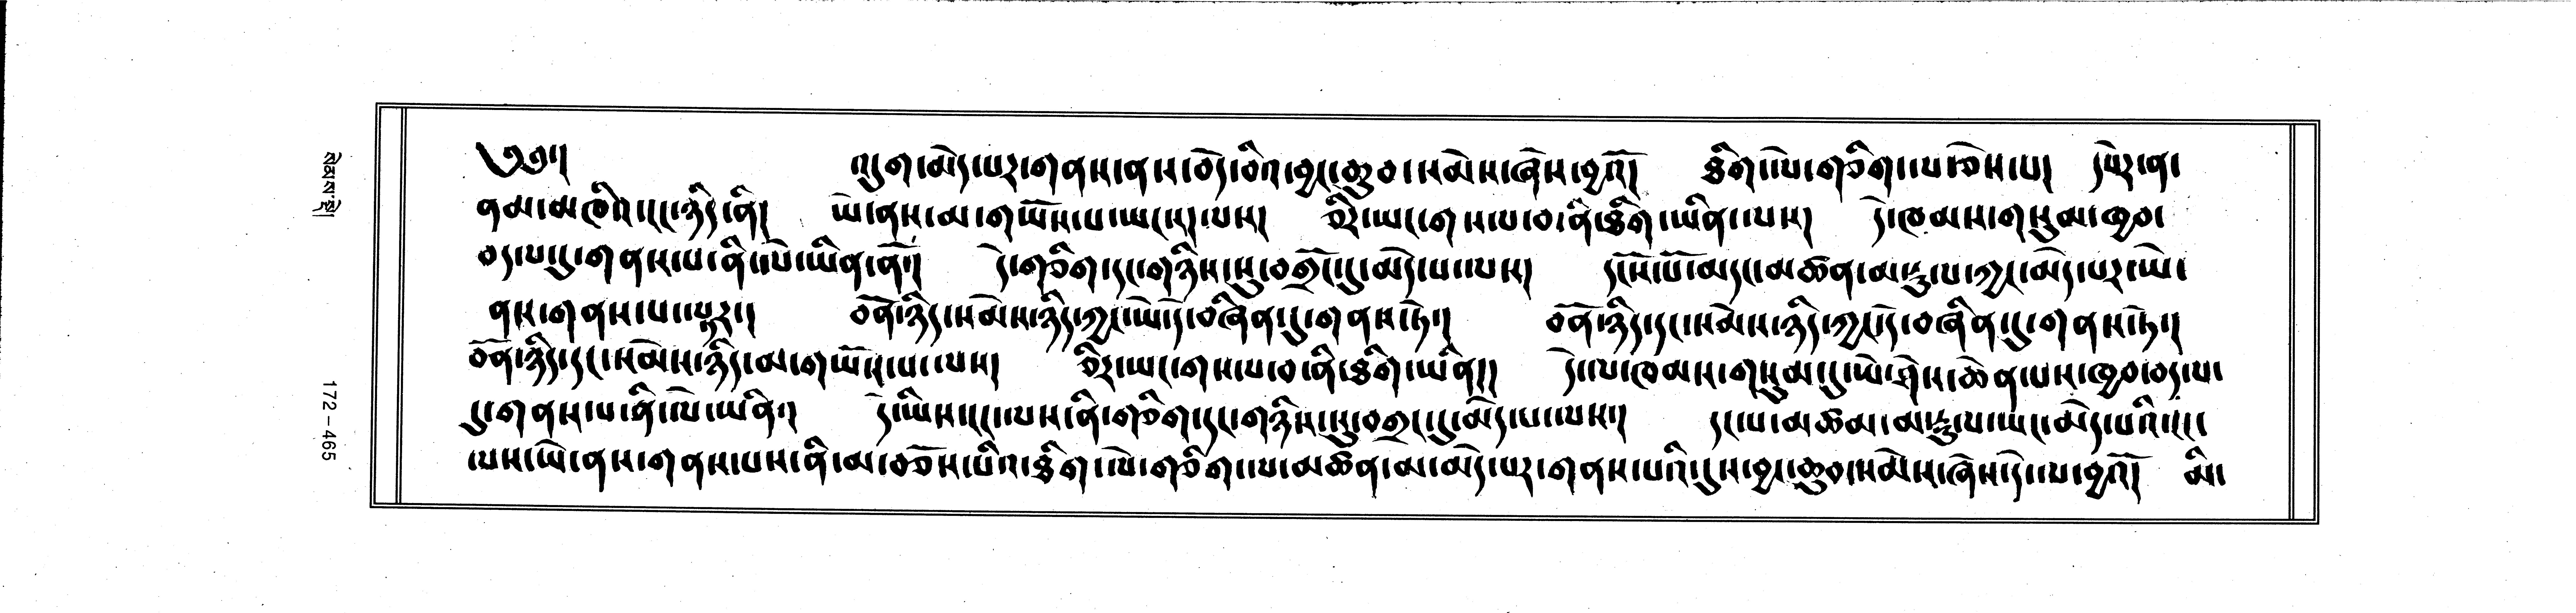འདུག་མེད་པར་གནས་ནས་བདེ་བའི་བྱང་ཆུབ་སེམས་ཞེས་བྱའོ། ཐིག་ལེ་གཅིག་ལ་ཅེས་པ། དཔེར་ན་
ནམ་མཁའི་ངང་ཉིད་ནི། ཡེ་ནས་མ་གཡོས་པ་ཡོངས་ལས། ཅིར་ཡང་གསལ་བ་ནི་ཐིག་ཡིན་ལས། དེ་ཁམས་གསུམ་ཁྱབ་
བདལ་དུ་གནས་པ་ནི་ལེ་ཡིན་ནོ། དེ་གཅིག་དང་གཉིས་སུ་བགྲོང་དུ་མེད་པ་ལས། དངོས་པོ་མདངས་མཚན་མ་རྡུལ་ཀྱང་མེད་པར་ཡེ་
ནས་གནས་པ་ལྟར། བོན་ཉིད་དང་སེམས་ཉིད་ཀྱང་ཡེ་དེ་བཞིན་དུ་གནས་ཏེ། བོན་ཉིད་དང་སེམས་ཉིད་ཀྱང་དེ་བཞིན་དུ་གནས་ཏེ། 
བོན་ཉིད་དང་སེམས་ཉིད་མ་གཡོས་པ་ལས། ཅིར་ཡང་གསལ་བ་ནི་ཐིག་ཡིན། དེ་ལ་ཁམས་གསུམ་དུ་ཡེ་ཤེས་ཆེན་པོས་ཁྱབ་བདལ་
དུ་གནས་པ་ནི་ལེ་ཡིན། དེ་ཡིས་ངང་ལས་ནི་གཅིག་དང་གཉིས་སུ་བགྲང་དུ་མེད་པ་ལས། དངོས་པོ་མཚམ་མ་རྡུལ་ཡང་མེད་པའི་ངང་
ལས་ཡེ་ནས་གནས་པས་ནི་མ་བཅོས་པའི་ཐིག་ལེ་གཅིག་ལ་མཚན་མ་མེད་པར་གནས་པའི་དུས་བྱང་ཆུབ་སེམས་ཞེས་དེ་ལ་བྱའོ། མི་